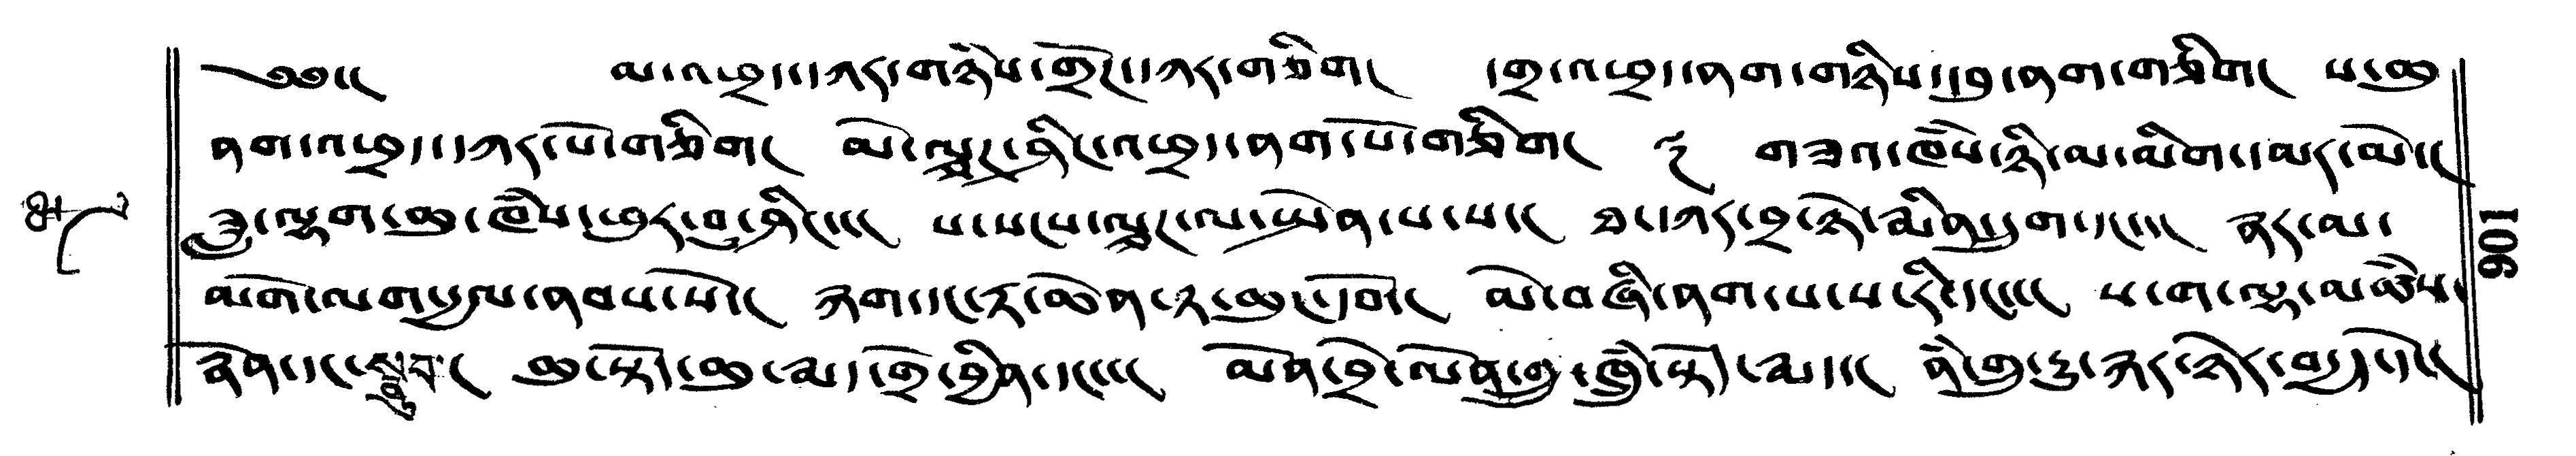།མ་འཕྲད་དཀར་གཉིས་གྲོགས་དཀར་གཅིག །དགྲ་འཕྲད་ནག་གཉིས་བུ་ནག་གཅིག །ས་ཆུ་
ནག་འཕྲད་དཀར་པོ་གཅིག །མེ་ལྕགས་ཤིང་འཕྲད་ནག་པོ་གཅིག ༈ གཟའ་ཁམས་ཉི་མ་མིག་དམར་མེ། །
ཟླ་ལྷག་ཆུ་ཁམས་ཕུར་བུ་ཤིང་། །པ་སངས་ལྕགས་ལ་སྤེན་པ་ས། །ཐ་དཀར་བྲ་ཉེ་སྨིན་དྲུག་དང་། །སྣར་མ་
མགོ་ལག་རྒྱལ་ནབས་སོ། །སྐག་དང་རྟ་ཆེན་ཏ་ཆུང་དབོ། །མེ་བཞི་ནག་པ་ས་རི་དང་། །ས་ག་ལྷ་མཚམས་
སྣོན་དང་སྣུབས། །ཆུ་སྟོད་ཆུ་སྨད་གྲོ་བྱིན་དང་། །མོན་བྲེ་མོན་གྲུ་ཁྲུམ་སྟོད་སྨད། །ནམ་གྲུ་རྒྱུ་སྐར་ཉེར་བརྒྱད་དེ།